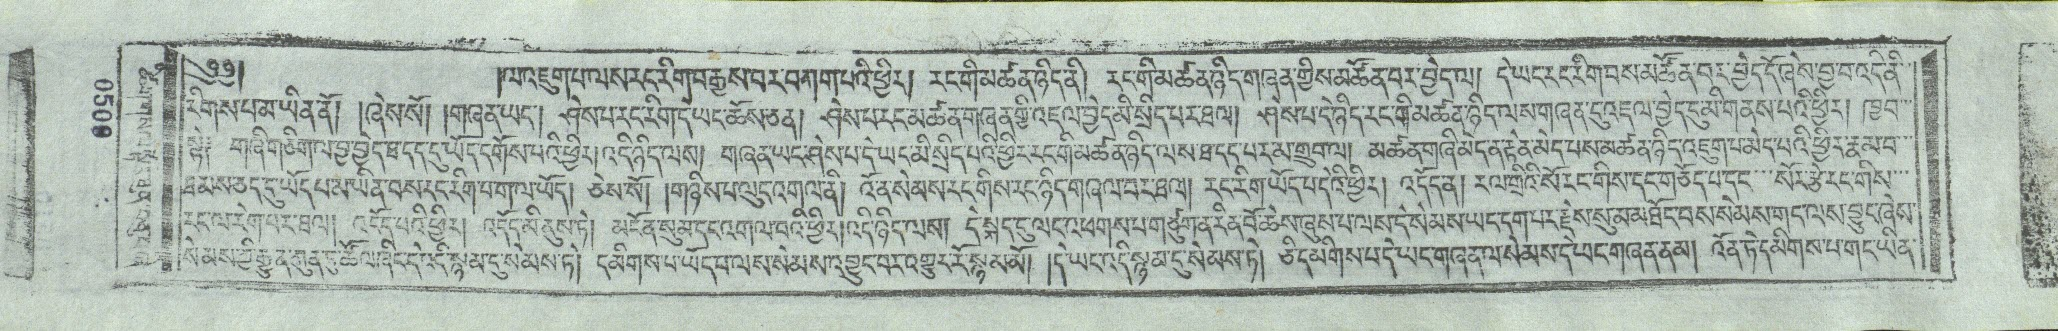༄༅། །ལ་འཇུག་པ་ལས་རང་རིག་པ་རྒྱས་བར་བཀག་པའི་ཕྱིར། རང་གི་མཚན་ཉིད་ནི། རང་གི་མཚན་ཉིད་གཞན་གྱིས་མཚོན་པར་བྱེད་ལ། དེ་ཡང་རང་རིག་པས་མཚོན་པར་བྱེད་དོ་ཞེས་བྱ་བ་འདི་ནི་
རིགས་པ་མ་ཡིན་ནོ། །ཞེས་སོ། །གཞན་ཡང་། ཤེས་པ་རང་རིག་དེ་ཡང་ཆོས་ཅན། ཤེས་པ་རང་མཚན་གཞན་གྱི་འཇལ་བྱེད་མི་སྲིད་པར་ཐལ། ཤེས་པ་དེ་ཉིད་རང་གི་མཚན་ཉིད་ལས་གཞན་དུ་འཇལ་བྱེད་དུ་མི་གནས་པའི་ཕྱིར། ཁྱབ་
སྟེ༑ གཞི་གཅིག་ལ་བྱ་བྱེད་ཐ་དད་དུ་ཡོད་དགོས་པའི་ཕྱིར། འདི་ཉིད་ལས། གཞན་ཡང་ཤེས་པ་དེ་ཡང་མི་སྲིད་པའི་ཕྱིར་རང་གི་མཚན་ཉིད་ལས་ཐ་དད་པར་མ་གྲུབ་ལ། མཚན་གཞི་མེད་ན་རྟེན་མེད་པས་མཚན་ཉིད་འཇུག་པ་མེད་པའི་ཕྱིར་རྣམ་པ་
ཐམས་ཅད་དུ་ཡོད་པ་མ་ཡིན་པས་དང་རིག་པ་ག་ལ་ཡོད། ཅེས་སོ། །གཉིས་པ་ལུང་འགལ་ནི། འོ་ན་སེམས་རང་གིས་རང་ཉིད་གཞལ་བར་ཐལ། རང་རིག་ཡོད་པ་དེའི་ཕྱིར། འདོད་ན། རལ་གྲིའི་སོ་རང་གིས་དང་གཅོད་པ་དང་སོར་རྩེ་རང་གིས་
རང་ལ་རེག་པར་ཐལ། འདོད་པའི་ཕྱིར། འདོད་མི་ནུས་ཏེ། མངོན་སུམ་དང་འགལ་བའི་ཕྱིར། འདི་ཉིད་ལས། དེ་སྐད་དུ་ལང་འཕགས་པ་གཙུག་ན་རིན་པོ་ཆེས་ཞུས་པ་ལས་དེ་སེམས་ཡང་དག་པར་རྗེས་སུ་མ་མཐོང་བས་སེམས་གང་ལས་བྱུང་ཞེས་
སེམས་ཀྱི་རྒྱུན་ཀུན་ཏུ་ཚོལ་ཞིང་དེ་འདི་སྙམ་དུ་སེམས་ཏེ། དམིགས་པ་ཡོད་པ་ལས་སེམས་འབྱུང་བར་འགྱུར་རོ་སྙམ་མོ། །དེ་ཡང་འདི་སྙམ་དུ་སེམས་ཏེ། ཅི་དམིགས་པ་དེ་ཡང་གཞན་ལ་སེམས་དེ་ཡང་གཞན་ནམ། འོན་ཏེ་དམིགས་པ་གང་ཡིན་